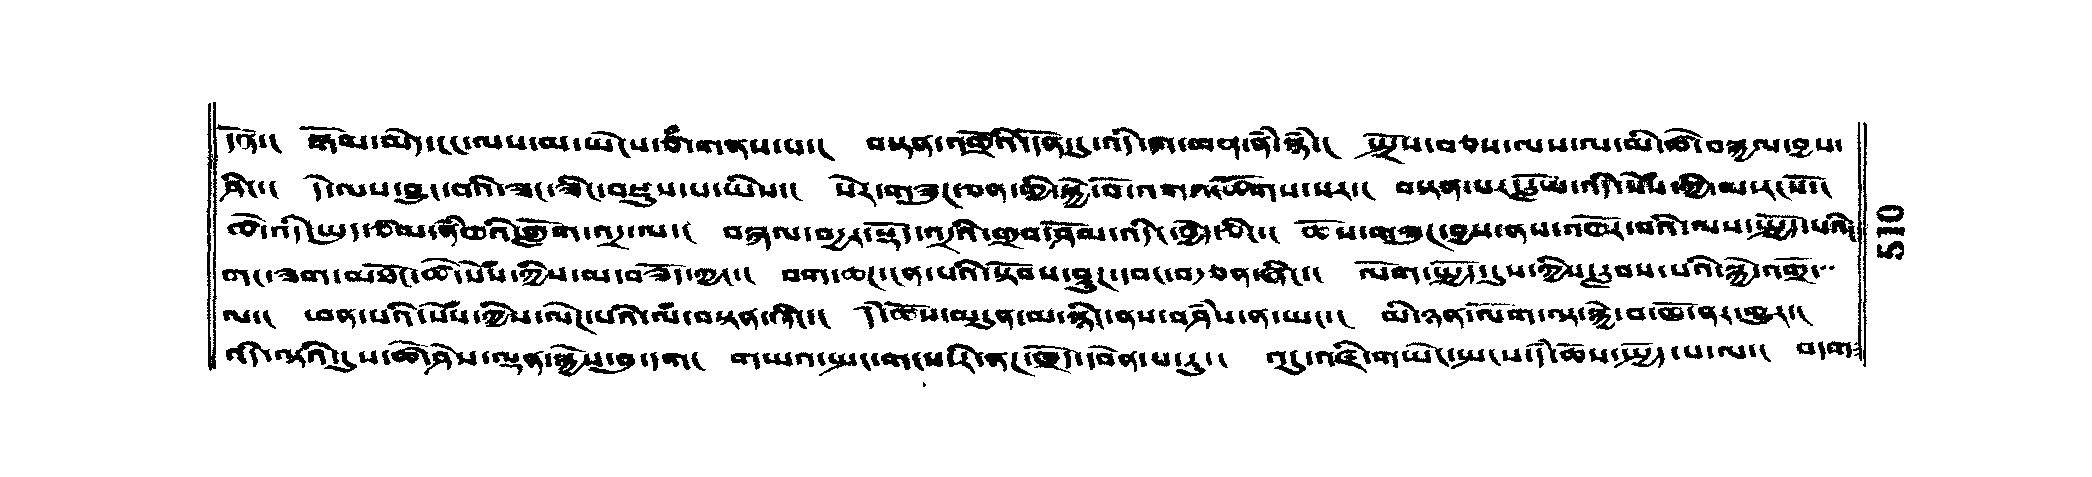དོན། །སྒོམ་མེད་ངང་ལས་མ་ཡེངས་ཙམ་གནས་པ། །བསྟན་འགྲོའི་དོན་དུ་འདི་ག་ཕན་ནམ་སྙམ། །སྤྲོས་བཅས་ལས་ལ་མི་ཚེ་བསྐྱལ་བྱས་
ཤིང་། །དེ་ལས་བྱུང་བའི་ཟང་ཟིང་བསྡུས་པ་ཡིས། །སེར་གཟུགས་ཅན་གྱི་སྐྱེ་བོ་འགའ་ཚོགས་སར། །བསྟན་པར་རློམ་འདི་སེམས་ཀྱི་མ་རངས་སོ། །
ཚེ་འདི་ཡུད་ཙམ་ནམ་མཁའི་གློག་འདྲ་ལ། །བསྐལ་བརྒྱར་སྡོད་འདྲའི་གྲབས་ཤོམ་འདི་བྱེད་ཅིང་། །ཆོས་གཟུགས་བྱས་ནས་འཁོར་བའི་ལས་སྤྱོད་པའི། །
གང་ཟག་མཐོང་ཚེ་སེམས་ཀྱིས་མ་བཟོད་ཀྱང་། །བག་ཆགས་ངན་པའི་སྟོབས་ཤུགས་དབང་བཙན་ཞིང་། །ལོག་སྤྱོད་དུས་ཀྱིས་བརླབས་པའི་སྐྱེ་འགྲོ་
ལ། །ཕན་པའི་སེམས་ཀྱིས་ལེགས་པའི་ལམ་བསྟན་ཞིང་། །དམ་ཆོས་འདུན་མ་སྙིང་ནས་བཤམས་ན་ཡང་། །མི་ཉན་ལོག་ལྟ་སྐྱེ་བ་ཁོ་ནར་གྱུར། །
འདི་ལྟའི་དུས་ཚེ་ཤེས་ལྡན་སྐྱེས་བུ་དག །གཡའ་སྤང་གངས་རི་ནགས་ཁྲོད་དབེན་པ་རུ། །འདུ་འཛི་གཡེང་སྤངས་དམ་ཆོས་སྤྱོད་པ་ལ། །བདག་